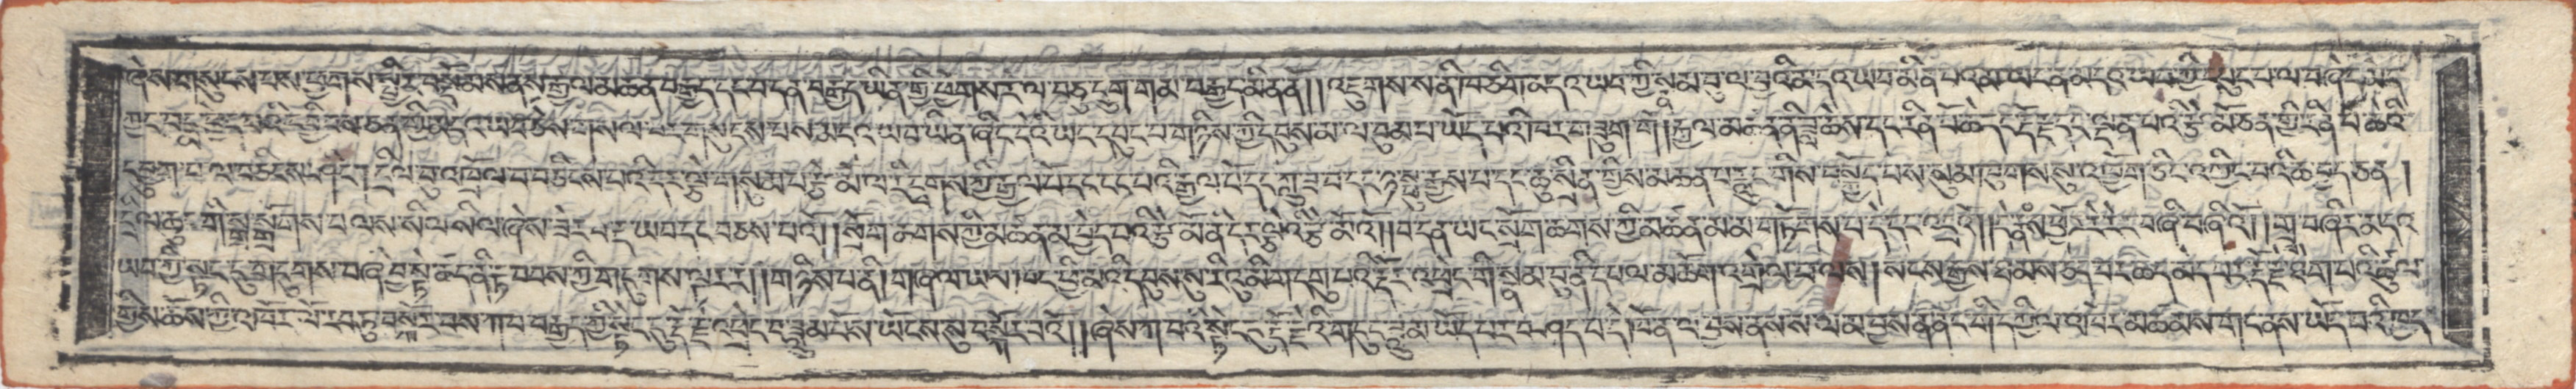ཞེས་གསུངས་པས་ཕྱགས་སྤྱིར་བསྡོམས་ནས་རྒྱལ་མཚན་བརྒྱད་དང་བ་དན་བརྒྱད་ཡིན་གྱི་ཕྱོགས་རེ་ལ་བཅུ་དྲུག་གམ་བརྒྱད་མིན་ནོ། །འཇུགས་ས་ནི་ཁ་ཅིག་མདའ་ཡབ་ཀྱི་སྣམ་བུ་ལ་བྱའི་མདའ་ཡབ་མིན་པའམ་ཡང་ན་མདའ་ཡབ་ཀྱི་དཔུང་པ་ལ་བཞེད་མེད་
ཀྱང་པདམ་ཕྱེད་པའི་དབྱིབས་ཅན་གྱི་མདའ་ཡབ་ཅེས་གསལ་བར་གསུངས་པས་མདའ་ཡབ་ཡིན་ཞིང་དེའི་ཡང་དཔུང་པ་གཉིས་ཀྱི་དབུས་མ་ལ་བུམ་པ་ཡོད་པའི་ཁར་གཟུག་གོ །རྒྱལ་མཚན་ནི་ཟླ་ཆེས་དང་རིན་པོ་ཆེ་དང་རྡོ་རྗེ་དང་ལྡན་པའི་རྩེ་མོ་ཅན་གྱི་རིན་པོ་ཆེའི་
དབྱུག་པ་ལ་བཅིངས་ཤིང་། དྲིལ་བུ་འཁྲོལ་བ་བཅིངས་པའི་དར་ལྕེ་གསུམ་པ་རྩེ་མོ་ལ་རི་དྭགས་ཀྱི་རྒྱལ་པོ་དང་ངང་པའི་རྒྱལ་པོ་དང་ཀླུ་ཟ་བ་དང་ཉ་སྤུ་རྒྱས་པ་དང་ཆུ་སྲིན་གྱིས་མཚན་པ་རླུང་གིས་བསྐྱོད་པས་སུམ་ཁུགས་སུ་འཁྱོག་ཅིང་འགྱིང་བའི་ཆ་བྱད་ཅན།
དྲིལ་ཆུང་གི་སྒྲ་སྒྲོགས་པ་ལས་སིལ་སིལ་ཞེས་ཟེར་བ་རྔ་ཡབ་དང་བཅས་པའོ། །སྲོག་ཆགས་ཀྱི་མཚན་མ་བྱེད་པའི་རྩེ་མོ་ནི་དར་ལྕེའི་རྩེ་མོའོ། །བ་དན་ཡང་སྲོག་ཆགས་ཀྱི་མཚན་མ་མ་གཏོགས་པ་དེ་དང་འདྲའོ། །དེ་རྣམས་ཕྱོགས་རེ་རེར་བཞི་བཞིའོ། །གྲྭ་བཞིར་མདའ་
ཡབ་ཀྱི་སྟེང་དུ་གདུགས་བཞི་བྱ་སྟེ་ཚད་ནི་རྟ་བབས་ཀྱི་གདུགས་ལྟར་རོ། །གཉིས་པ་ནི། གཞལ་ཡས་ཁང་ཕྱི་མའི་དབུས་སུ་རིའུ་མིག་དགུ་པའི་རྡོར་འཕྲེང་གི་སྣམ་བུ་ནི་དཔལ་མཆོག་འགྲེལ་པ་ལས། སངས་རྒྱས་ཐམས་ཅད་བར་ཆད་མེད་པར་རྡོ་རྗེ་ཐེག་པའི་ཚུལ་
གྱིས་ཆོས་ཀྱི་འཁོར་ལོ་རབ་ཏུ་བསྐོར་བས་ཀ་བ་བརྒྱད་ཀྱི་སྟེང་དུ་རྡོ་རྗེ་འཕྲེང་བ་ཟླུམ་པོས་ཡོངས་སུ་བསྐོར་བའོ། །ཞེས་ཀ་བའི་སྟེང་དུ་རྡོ་རྗེའི་གདུང་ཟླུམ་ཡོད་པར་བཤད་པ་དེ་ཁོ་ན་ལ་བྱས་ནས་ས་ལ་མ་བྱས་ན་ནང་གི་དཀྱིལ་འཁོར་མཚམས་གང་ནས་ཡོད་པའི་ཁྱད་